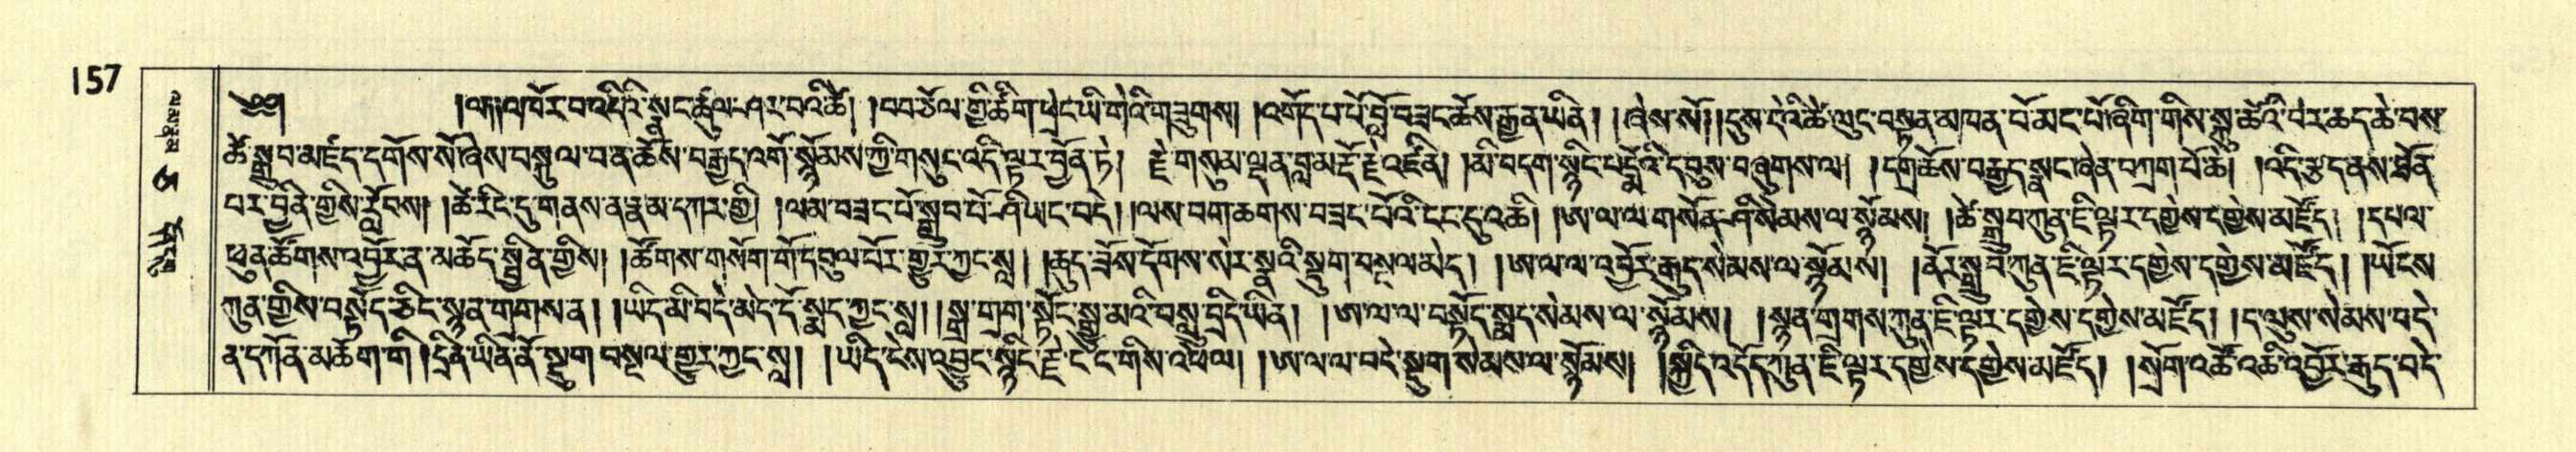༄༅། །ལ༑ ༑འཁོར་བ་འདིའི་སྣང་ཚུལ་ཤར་བའི་ཚེ། །བབ་ཅོལ་གྱི་ཚིག་ཕྲེང་ཡི་གེའི་གཟུགས། །འགོད་པ་པོ་བློ་བཟང་ཆོས་རྒྱན་ཡིན། །ཞེས་སོ། །དུས་དེའི་ཚེ་ལུང་བསྟན་མཁན་པོ་མང་པོ་ཞིག་གིས་སྐུ་ཚེའི་བར་ཆད་ཆེ་བས་
ཚེ་སྒྲུབ་མཛད་དགོས་སོ་ཞེས་བསྐུལ་བ་ན་ཆོས་བརྒྱད་འོག་སྙོམས་ཀྱི་གསུང་འདི་ལྟར་བྱོན་ཏེ། རྗེ་གསུམ་ལྡན་བླ་མ་རྡོ་རྗེ་འཛིན། །མི་བདག་སྙིང་པདམོའི་དབུས་ཞུགས་ལ། །དགྲ་ཆོས་བརྒྱད་སྣང་ཞེན་བཀྲག་པོ་ཆེ། །འདི་རྩད་ནས་ཐོན་
པར་བྱིན་གྱིས་རློབས། །ཚེ་རིང་དུ་གནས་ན་རྣམ་དཀར་གྱི། །ལམ་བཟང་པོ་སྒྲུབ་པོ་ཤི་ཡང་བདེ། །ལས་བག་ཆགས་བཟང་པོའི་ངང་དུ་འཆི། །ཨ་ལ་ལ་གསོན་ཤི་སེམས་ལ་སྙོམས། །ཚེ་སྒྲུབ་ཀུན་ཇི་ལྟར་དགྱེས་དགྱེས་མཛོད། །དཔལ་
ཕུན་ཚོགས་འབྱོར་ན་མཆོད་སྦྱིན་གྱིས། །ཚོགས་གསོག་གོ་དབུལ་པོར་གྱུར་ཀྱང་སླ། །ཆུད་ཟོས་དོགས་སེར་སྣའི་སྡུག་བསྔལ་མེད། །ཨ་ལ་ལ་འབྱོར་རྒུད་སེམས་ལ་སྙོམས། །ནོར་སྒྲུབ་ཀུན་ཇི་ལྟར་དགྱེས་དགྱེས་མཛོད། །ཡོངས་
ཀུན་གྱིས་བསྟོད་ཅིང་སྙན་གྲགས་ན། །ཡིད་མི་བདེ་མེད་དོ་སྨད་ཀྱང་སླ། །སྒྲ་གྲག་སྟོང་སྒྱུ་མའི་བསླུ་བྲིད་ཡིན། །ཨ་ལ་ལ་བསྟོད་སྨད་སེམས་ལ་སྙོམས། །སྙན་གྲགས་ཀུན་ཇི་ལྟར་དགྱེས་དགྱེས་མཛོད། །ད་ལུས་སེམས་བདེ་
ན་དཀོན་མཆོག་གི །དྲིན་ཡིན་ནོ་སྡུག་བསྔལ་གྱུར་ཀྱང་སླ། །ཡིད་ངེས་འབྱུང་སྙིང་རྗེ་ངང་གིས་འཕེལ། །ཨ་ལ་ལ་བདེ་སྡུག་སེམས་ལ་སྙོམས། །སྐྱིད་འདོད་ཀུན་ཇི་ལྟར་དགྱེས་དགྱེས་མཛོད། །སྲོག་འཚོ་འཆི་འབྱོར་རྒུད་བདེ་